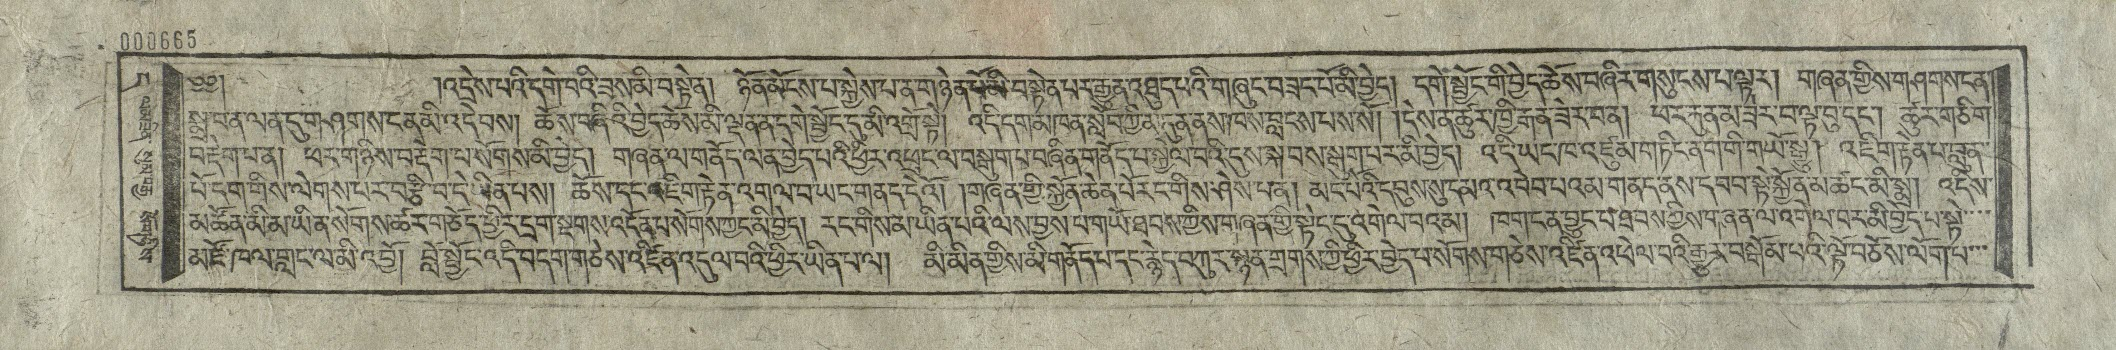༄༅། །འདྲེས་པའི་དགེ་བའི་ཟས་མི་བསྟེན། ཉོན་མོངས་པ་སྐྱེས་པ་ན་གཉེན་པོ་མི་བསྟེན་པར་རྒྱུན་འཐུད་པའི་གཞུང་བཟང་པོ་མི་བྱེད། དགེ་སྦྱོང་གི་བྱེད་ཆོས་བཞིར་གསུངས་པ་ལྟར། གཞན་གྱིས་གཤགས་ངན་
སྨྲ་བ་ན་ལན་དུ་གཤགས་ངན་མི་འདེབས། ཆོས་བཞིའི་བྱེད་ཆོས་མི་ལྡན་ན་དགེ་སྦྱོང་དུ་མི་འགྲོ་སྟེ། འདི་དག་མཁན་སློབ་ཀྱི་མདུན་ནས་ཁས་བླངས་པས་སོ། །དེས་ན་ཚུར་ཁྱི་རྒན་ཟེར་བ་ན། ཕར་རྐུན་མ་ཟེར་བ་ལྟ་བུ་དང་། ཚུར་གཅིག་
བརྡེག་པ་ན། ཕར་གཉིས་བརྡེག་པ་སོགས་མི་བྱེད། གཞན་ལ་གནོད་ལན་བྱེད་པའི་ཕྱིར་འཕྲང་ལ་བསྒུག་པ་བཞིན་གནོད་པ་སྐྱེལ་བའི་དུས་སྐབས་སྒུག་པར་མི་བྱེད། འདི་ཡང་ཁ་འཛུམ་གཏིང་ནག་གི་གཡོ་སྒྱུ། འཇིག་རྟེན་པ་བླུན་
པོ་དག་གིས་ལེགས་པར་བརྩི་བ་དེ་ཡིན་པས། ཆོས་དང་འཇིག་རྟེན་འགལ་བ་ཡང་གནད་དེའོ། །གཞན་གྱི་སྐྱོན་ཆེན་པོ་རང་གིས་ཤེས་པ་ན། མང་པོའི་དབུས་སུ་དམའ་འབེབ་པའམ་གནད་ནས་དབབ་སྟེ་སྐྱོན་མཚང་མི་སྨྲ། འདིས་
མཚོན་མི་མ་ཡིན་སོགས་ཚར་གཅོད་ཕྱིར་དྲག་སྔགས་འདོན་པ་སོགས་ཀྱང་མི་བྱེད། རང་གིས་མ་ཡིན་པའི་ལས་བྱས་པ་གཡོ་ཐབས་ཀྱིས་གཞན་གྱི་སྟེང་དུ་འགེལ་བའམ། ཁག་ངན་བྱུང་བ་ཐབས་ཀྱིས་གཞན་ལ་འགེལ་བར་མི་བྱེད་པ་སྟེ་
མཛོ་ཁལ་གླང་ལ་མི་འབྱོ། བློ་སྦྱོང་འདི་བདག་གཅེས་འཛིན་འདུལ་བའི་ཕྱིར་ཡིན་པ་ལ། མི་མིན་གྱིས་མི་གནོད་པ་དང་རྙེད་བཀུར་སྙན་གྲགས་ཀྱི་ཕྱིར་བྱེད་པ་སོགས་གཅེས་འཛིན་འཕེལ་བའི་རྒྱུར་བསྒོམ་པའི་ལྟོ་བཅོས་ལོག་པ་